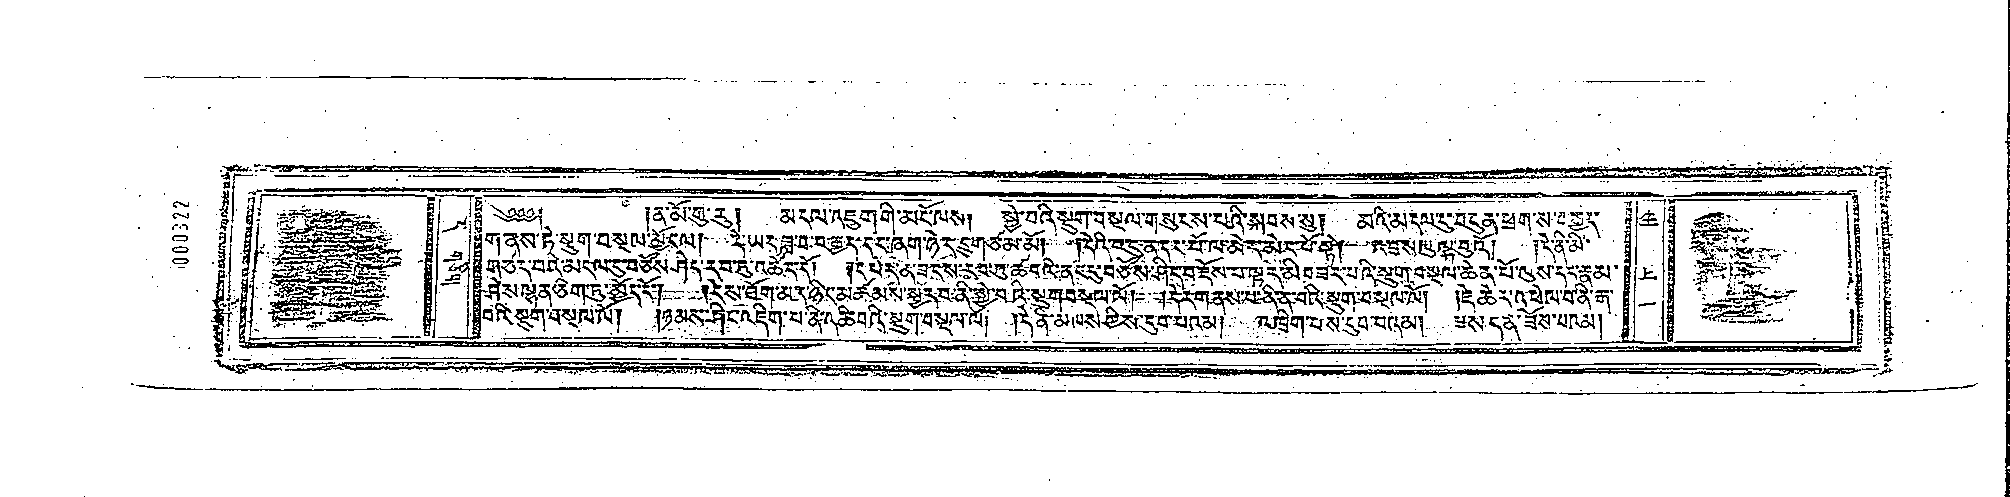༄༅༅། །ན་མོ་གུ་རུ། མངལ་འཇུག་གི་མངོ་ལས། སྐྱེ་བའི་སྡུག་བསྔལ་གསུངས་པའི་སྐབས་སུ། མའི་མདལ་དུ་བདུན་ཕྲག་ས་བརྒྱད་
གནས་ཏེ་སྡུག་བསྔལ་མྱོང་ལ། དེ་ཡང་ཟླ་བ་བརྒྱད་དང་ཞག་ཉེར་དྲུག་ཙམ་མོ། །དེའི་བདུན་དང་པོ་ལ་མིད་མེད་པོ་སྟེ། འབྲས་བུ་ལྟ་བུའོ། །དེ་ནི་མི་
གཙད་བའི་མངལ་དུ་བཙོས་ཤིང་རབ་ཏུ་འཚེང་དོ། །དཔེར་ན་ཟངས་རབ་ཏུ་ཚ་བའི་ནང་དུ་བཙོས་ཤིད་བརྡོས་པ་ལྟར་མི་བཟོད་པའི་སྡུག་བསྔལ་ཆེན་པོ་ལུས་དང་རྣམ་
ཤེས་ལྷན་ཅིག་ཏུ་མྱོང་ངོ། །དེས་ཐོག་མར་ཉིད་མཚམས་སྦྱར་བ་ནི་སྐྱེ་བའི་སྡུག་བསྔལ་ལོ། །དེར་གནས་པ་ནི་ན་བའི་སྡུག་བསྔལ་ལོ། །ཇེ་ཆེར་འཕེལ་བ་ནི་རྒ་
བའི་སྡུག་བསྔལ་ལོ། །ཉམས་ཤིང་འཇིག་པ་ནི་འཆི་བའི་སྡུག་བསྔལ་ལོ། །དེ་ནི་མཁས་ཀྱིས་དུབ་པའམ། འཁྲིག་པས་དུབ་པའམ། ཟས་དན་ཟོས་པའམ།